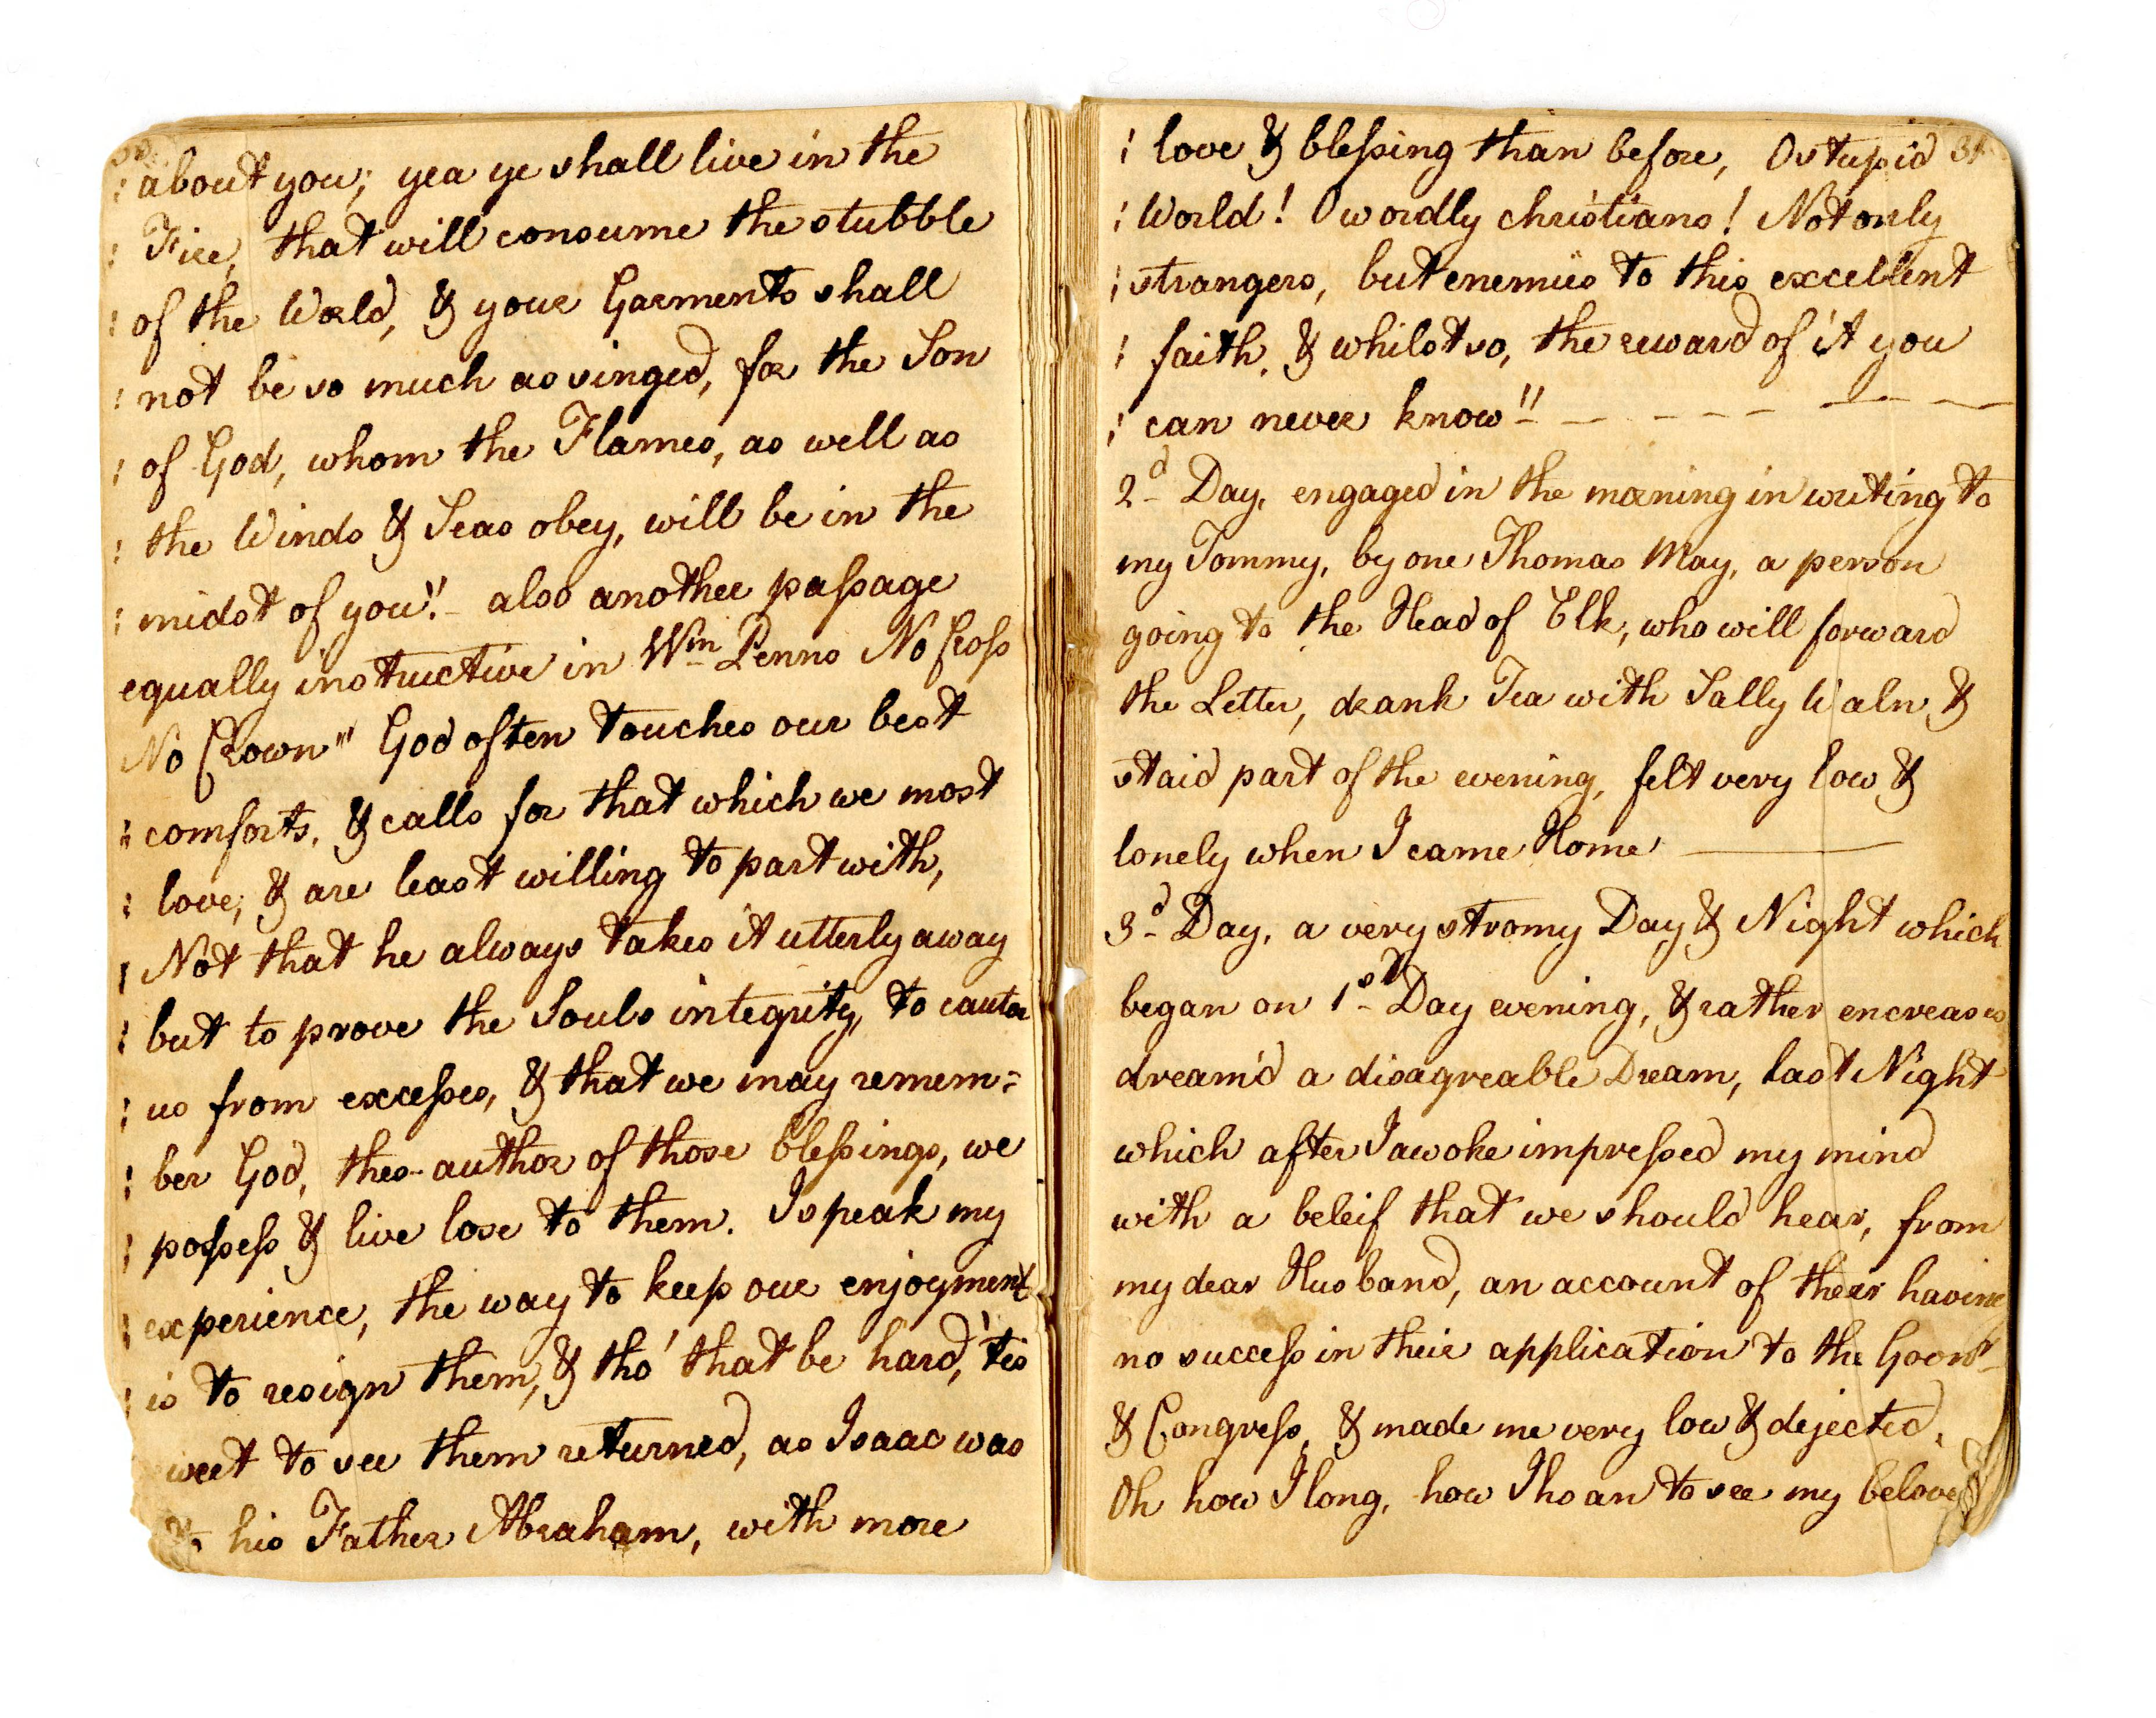30
"about you; yea ye shall live in the
"Fire, that will consume the stubble
"of the World & your Garments shall
"not be so much as singed, for the Son
"of God, whom the Flames, as well as
"the Winds & Seas obey, will be in the
"midst of you!- also another passage
equally instructive in W^m Penns No Cross
No Crown "God often touches our best
"comforts, & calls for that which we most
"love, & are least willing to part with
"Not that he always takes it utterly away
"but to prove the Souls integrity, to cauton
"us from excesses, & that we may remem-
"ber God, thes author of those blessings, we
"possess & live lose to them, I speak my
"experience the way to keep our enjoyment
"is to resign them, & tho' that be hard, 'tis
went to see them returned, as Isaac was
to his Father Abraham, with more
"love & blessing than before, O stupid
"World! O wordly christians! Not only
"strangers, but enemies to this excellent
"faith, & whilst so, the reward of it you
"can never know"----
2^d Day, engaged in the morning in writing to
my Tommy, by one Thomas May, a person
going to the Head of Elk, who will forward
the Letter, drank Tea with Sally Waln, &
staid part of the evening, felt very low &
lonely when I came Home-
3^d. Day, a very stromy Day & Night which
began on 1^st Day evening, & rather encreases
dreamd a disagreable Dream, last Night
which after I awoke impressed my mind
with a beleif that we should hear, from
my dear Husband, an account of their having
no success in their application to the Govn^r
& Congress, & made me very low & dejected.
Oh how I long, how I ho an to see my belove